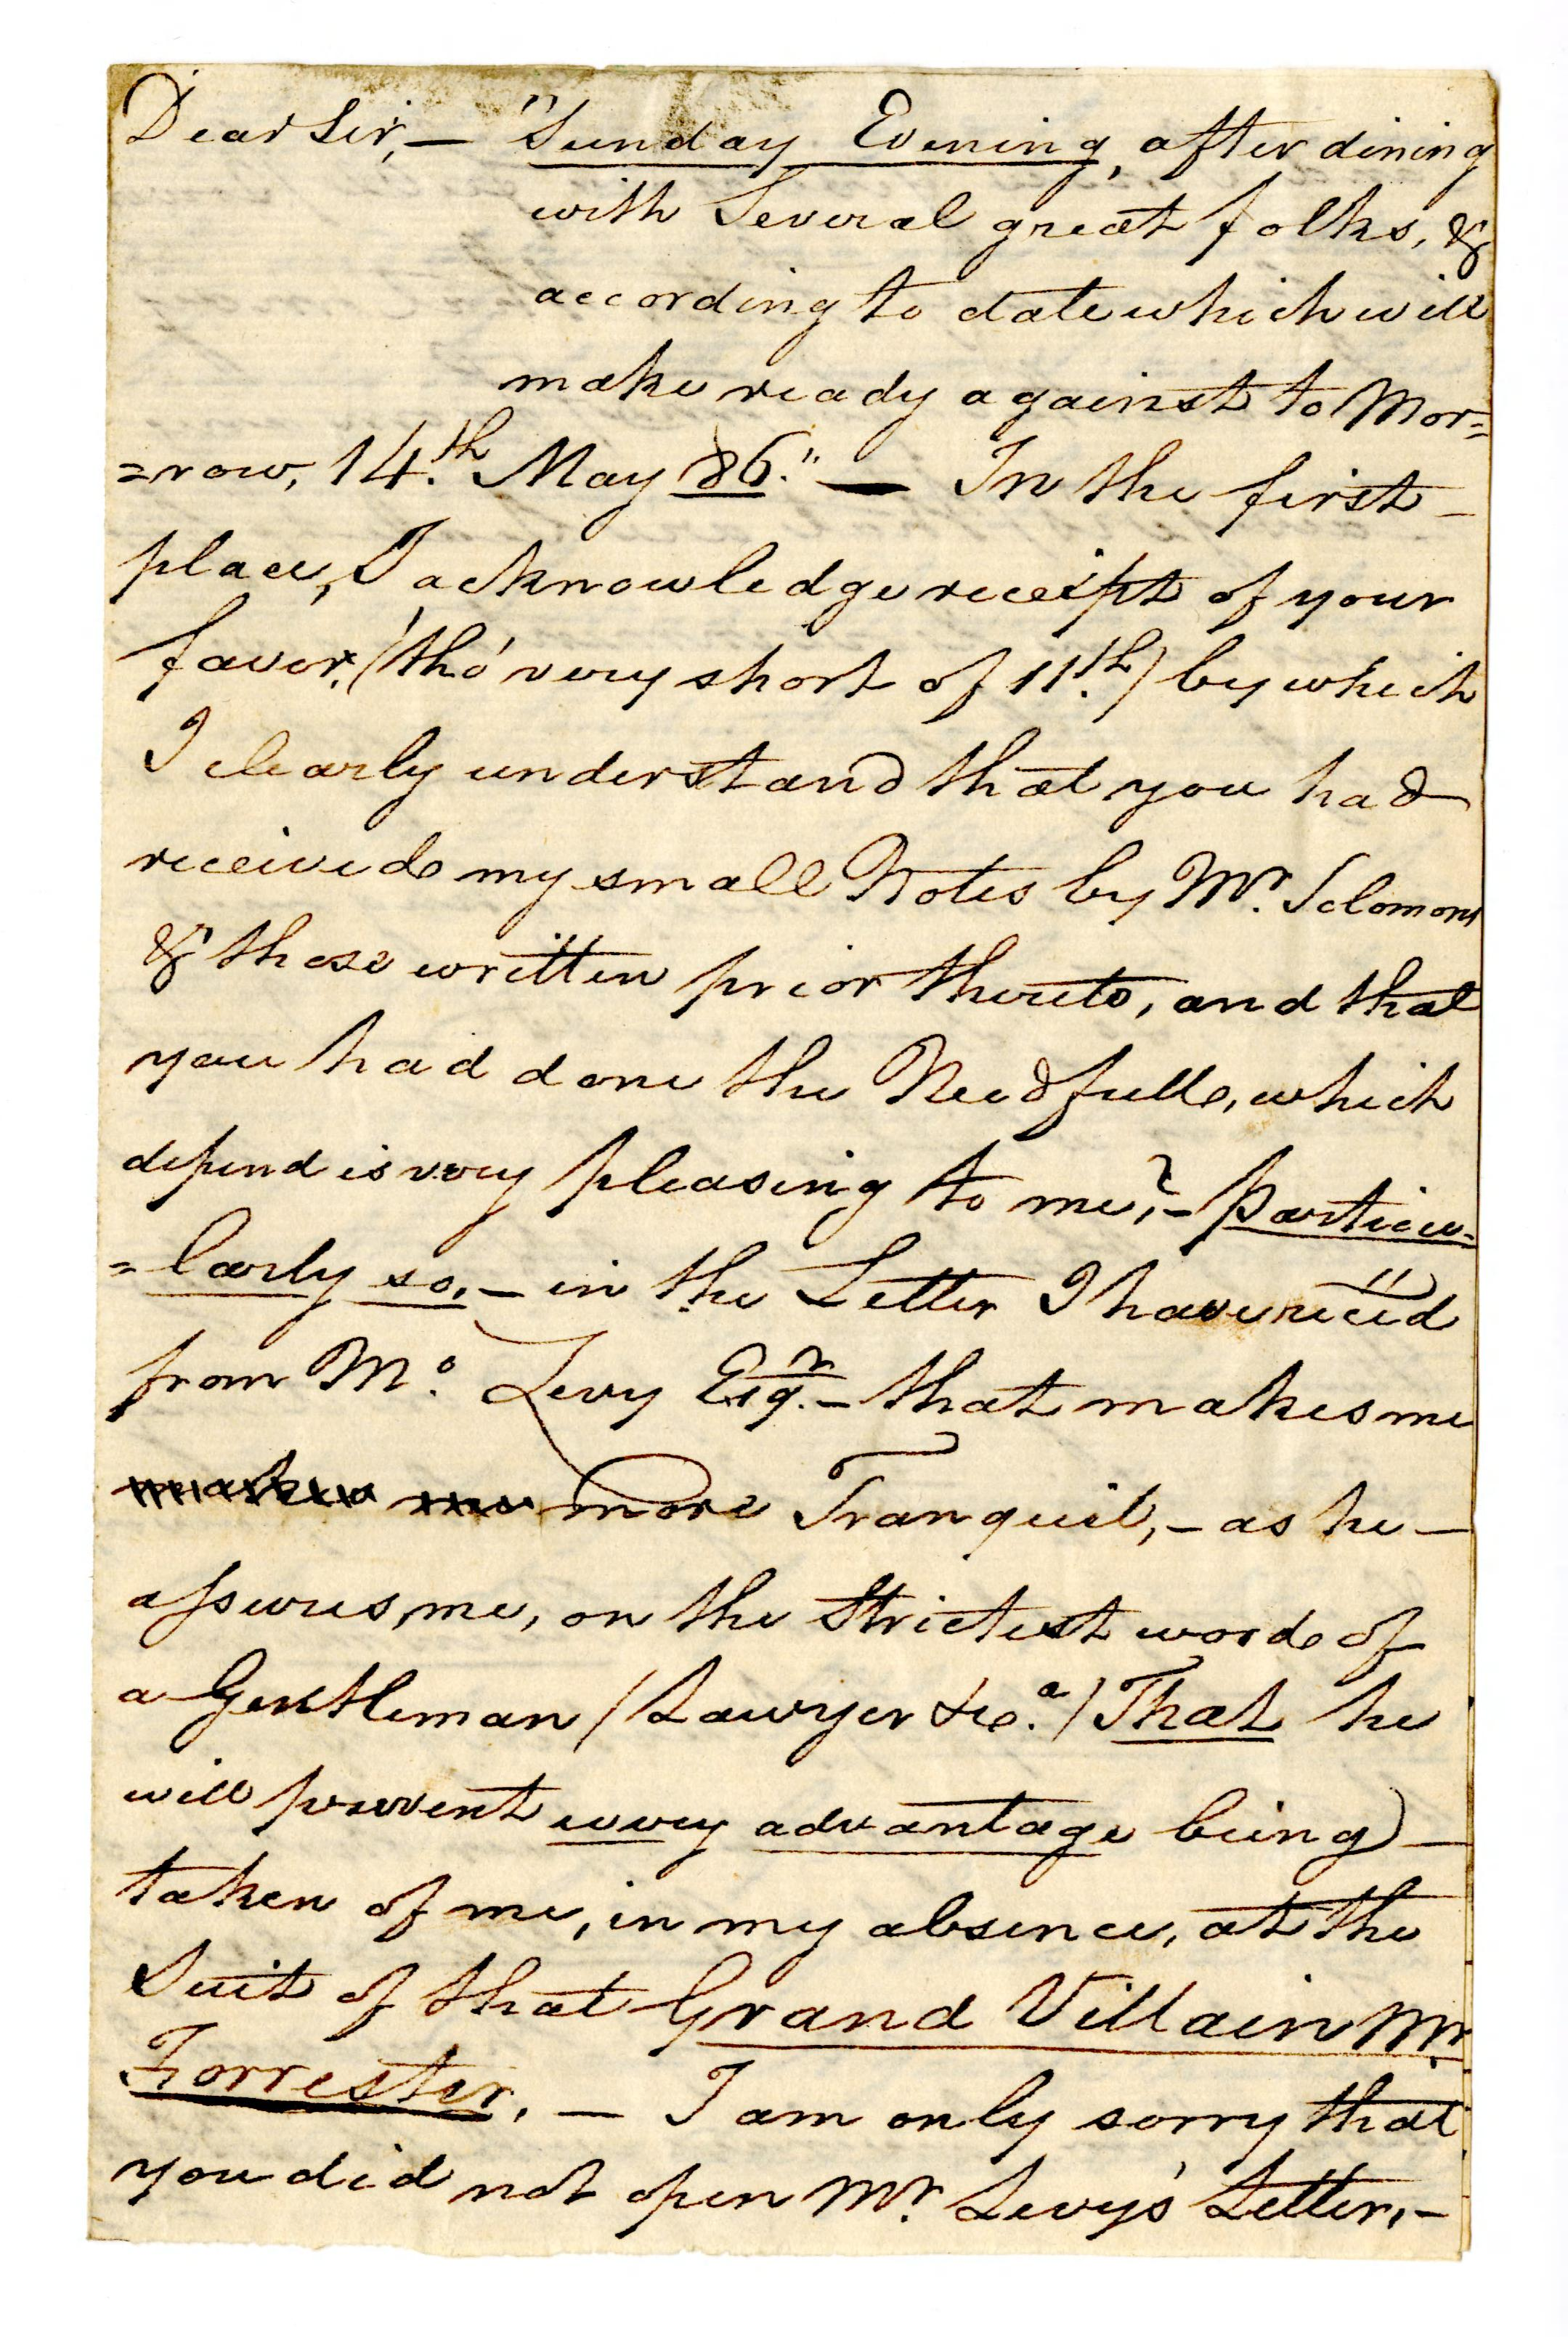Dear Sir,-
Yesterday Evening, after dining
with Several great folks, &
according to date which will
make ready against tomor-
-row, 14^th May 86"- In the first
place, I acknowledge receipts of your
favor, (tho' very short of 11^th.) by which
I clearly understand and that you had
received my small notes by M^r solomon
& these written prior thereto, and that
you had done the need Needfull, which
depend is very pleasing to me.- particu-
-larly so.- in the Letter I have rece^d
from M^r Levy Esq^r.- that makes me
[makes] [me] more Tranquil,- as he -
assures me, on the Strictest words of
a gentleman (Lawyer &c^a) That he
will prevent every advantage being
taken of me, in my absence, at the
Suit of that Grand Villain M^r
Forrester.- I am only sorry that
you did not open M^r Levy's Letter. -